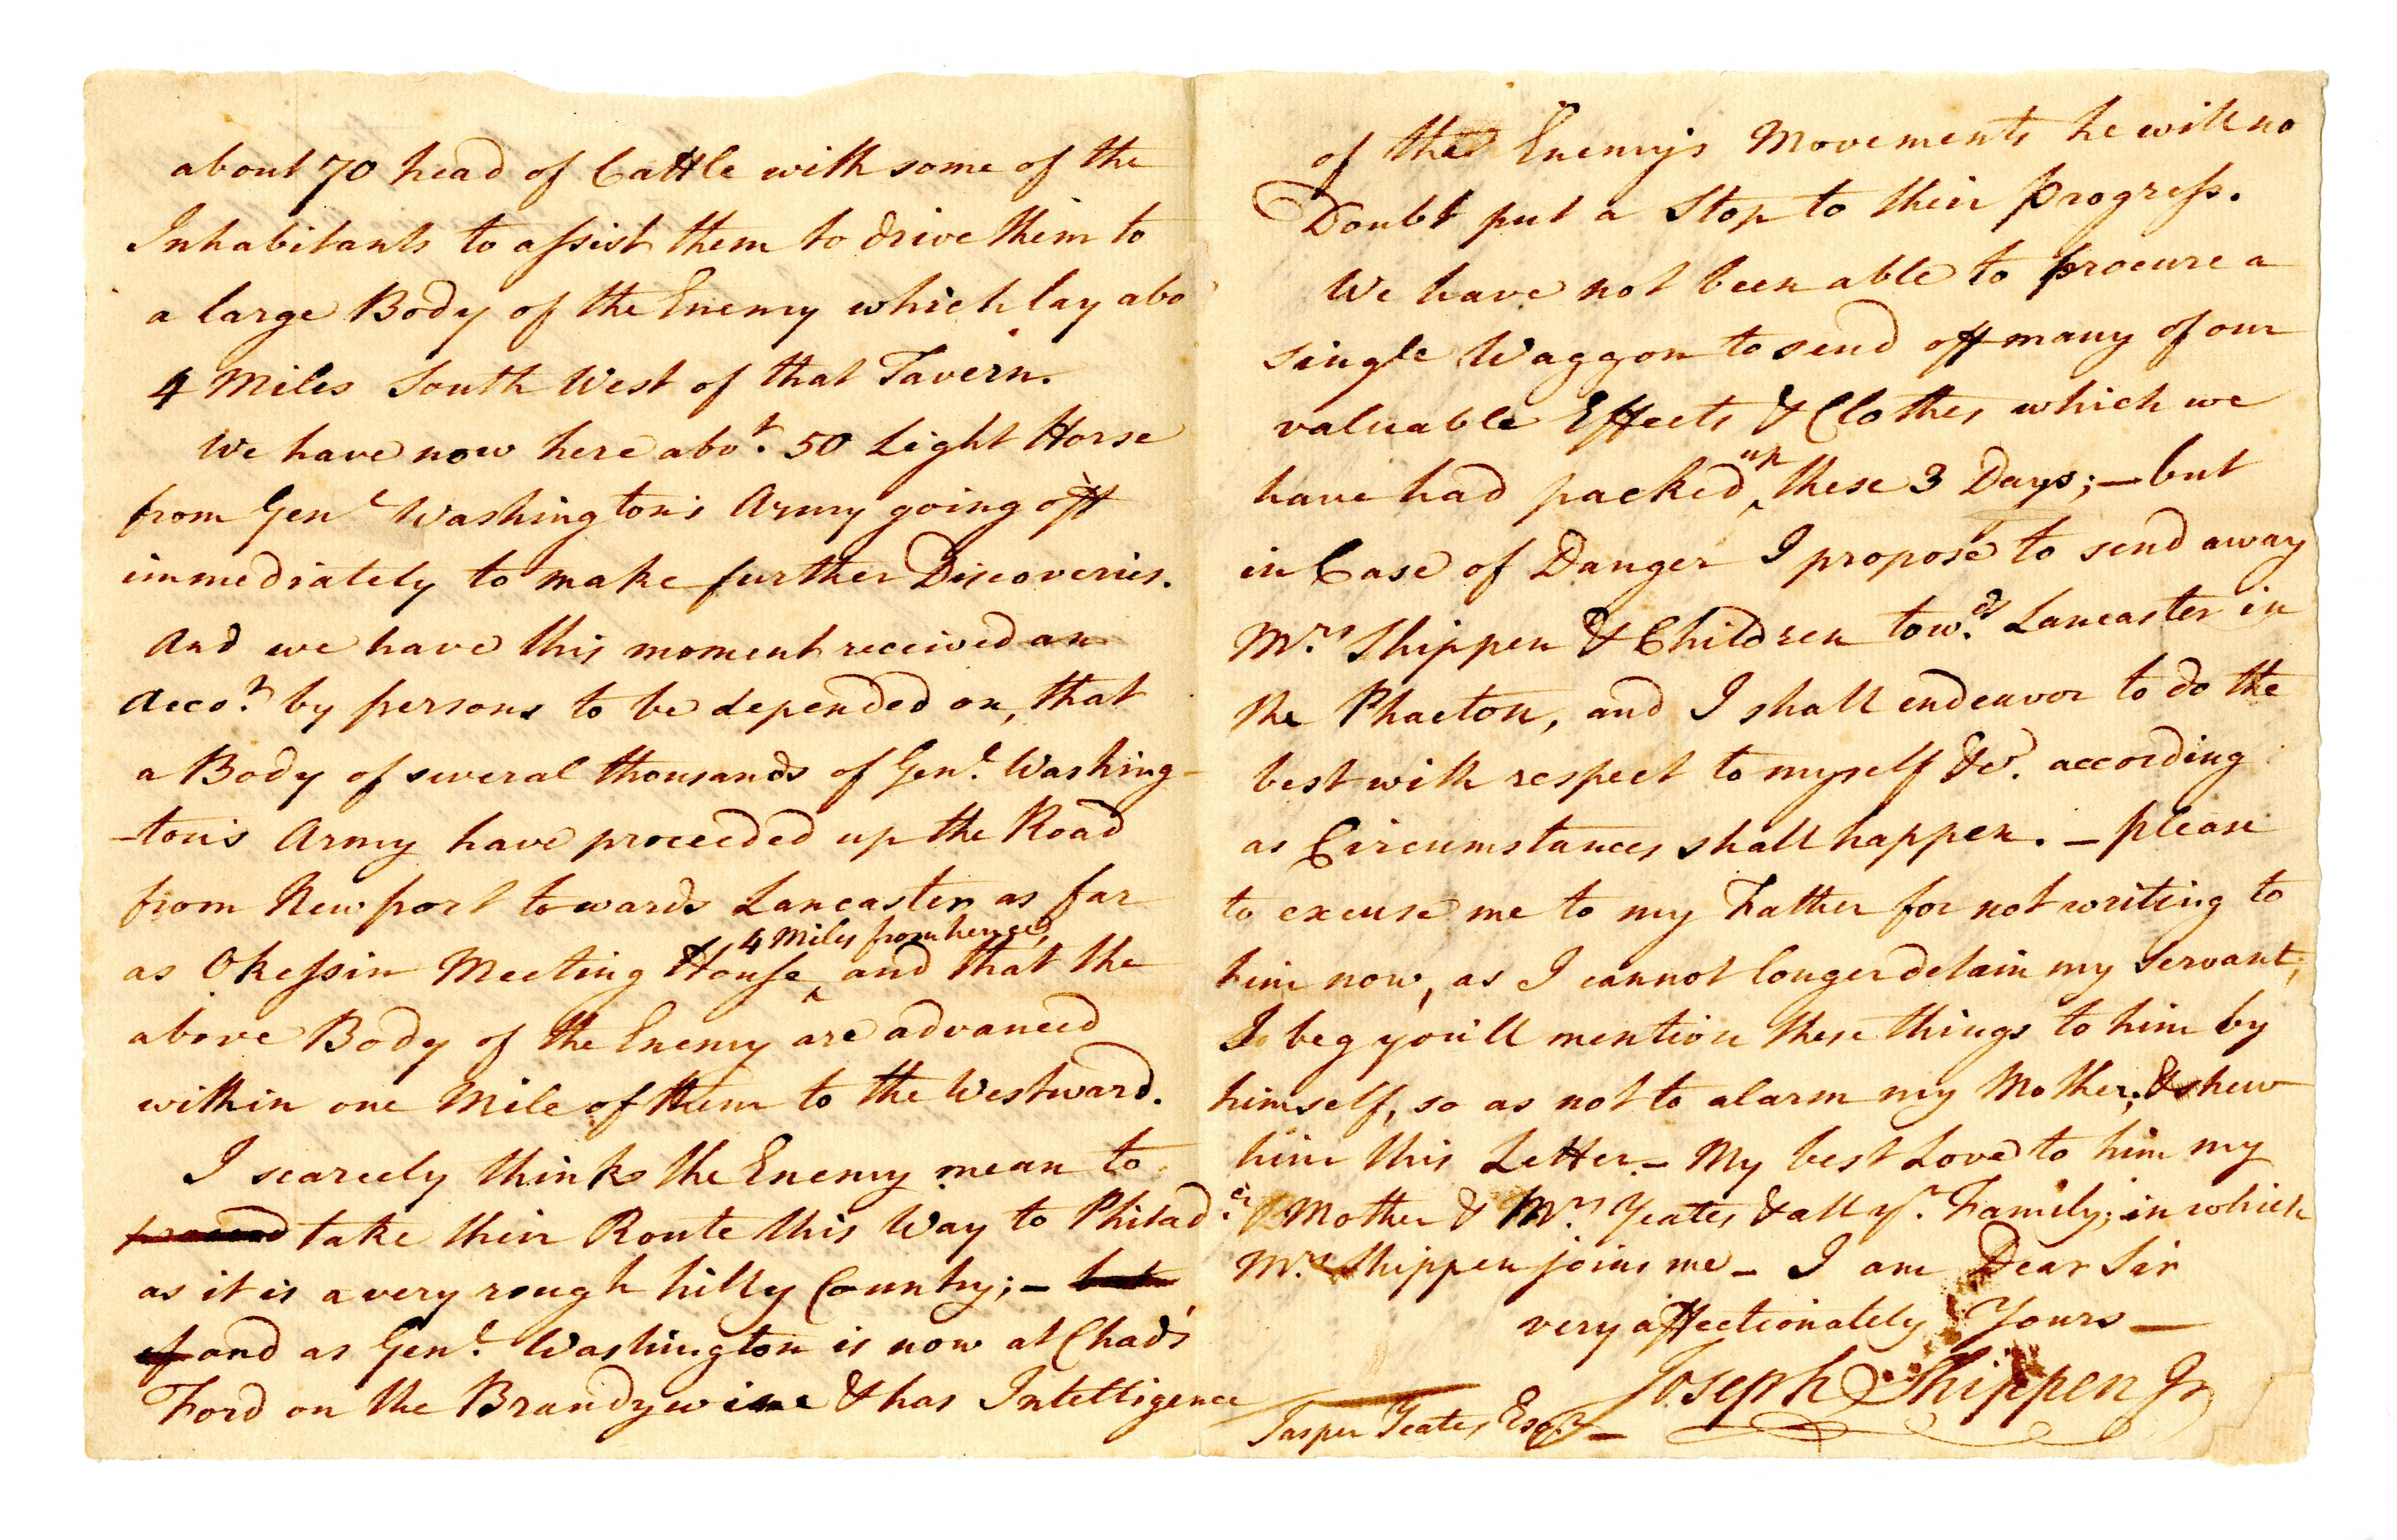about 70 head of Cattle with some of the
Inhabitants to assist them to drive them to
a large Body of the Enemy which lay abo
4 miles South West of that Tavern.
We have now here abo^t. 50 Light Horse
from Gen^l Washington's Army going off
immediately to make further Discoveries.
And we have this moment received an
Acco^t. by persons to be depended on, that
a Body of several thousands of Gen^l. Washing-
-ton's Army have proceeded up the Road
from Newport towards Lancaster as far
4 miles from hence
as Okessin Meeting House ^ and that the
above Body of the Enemy are advanced
within one Mile of them to the Westward.
I scarcely think the Enemy mean to
[______] take their Route this way to Philad^a.
as it is a very rough hilly Country;- [but]
[if] and as Gen^l. Washington is now at Chad's
Ford on the Brandywine & has Intelligence
of the Enemy's Movements he will no
Doubt put a stop to their progress.
We have not been able to procure a
single Waggon to send off many of our
valuable Effects & Clothes which we
have had packed ^up these 3 Days;- but
in Case of Danger I propose to send away
M^rs. Shippen & Children tow^d. Lancaster in
the Phaeton, and I shall endeavor to do the
best with respect to myself &c. according
as Circumstances shall happen.- Please
to excuse me to my Father for not writing to
him now, as I cannot longer detain my servant;
I beg you'll mention these things to him by
himself, so as not to alarm my Mother; & shew
him this Letter.- My best Love to him my
Mother & M^rs. Yeates & all y^e. Family; in which
M^rs. Shippen joins me- I am Dear Sir
very affectionately Yours-
Joseph Shippen Jr
Jasper Yeates Esq^r.-